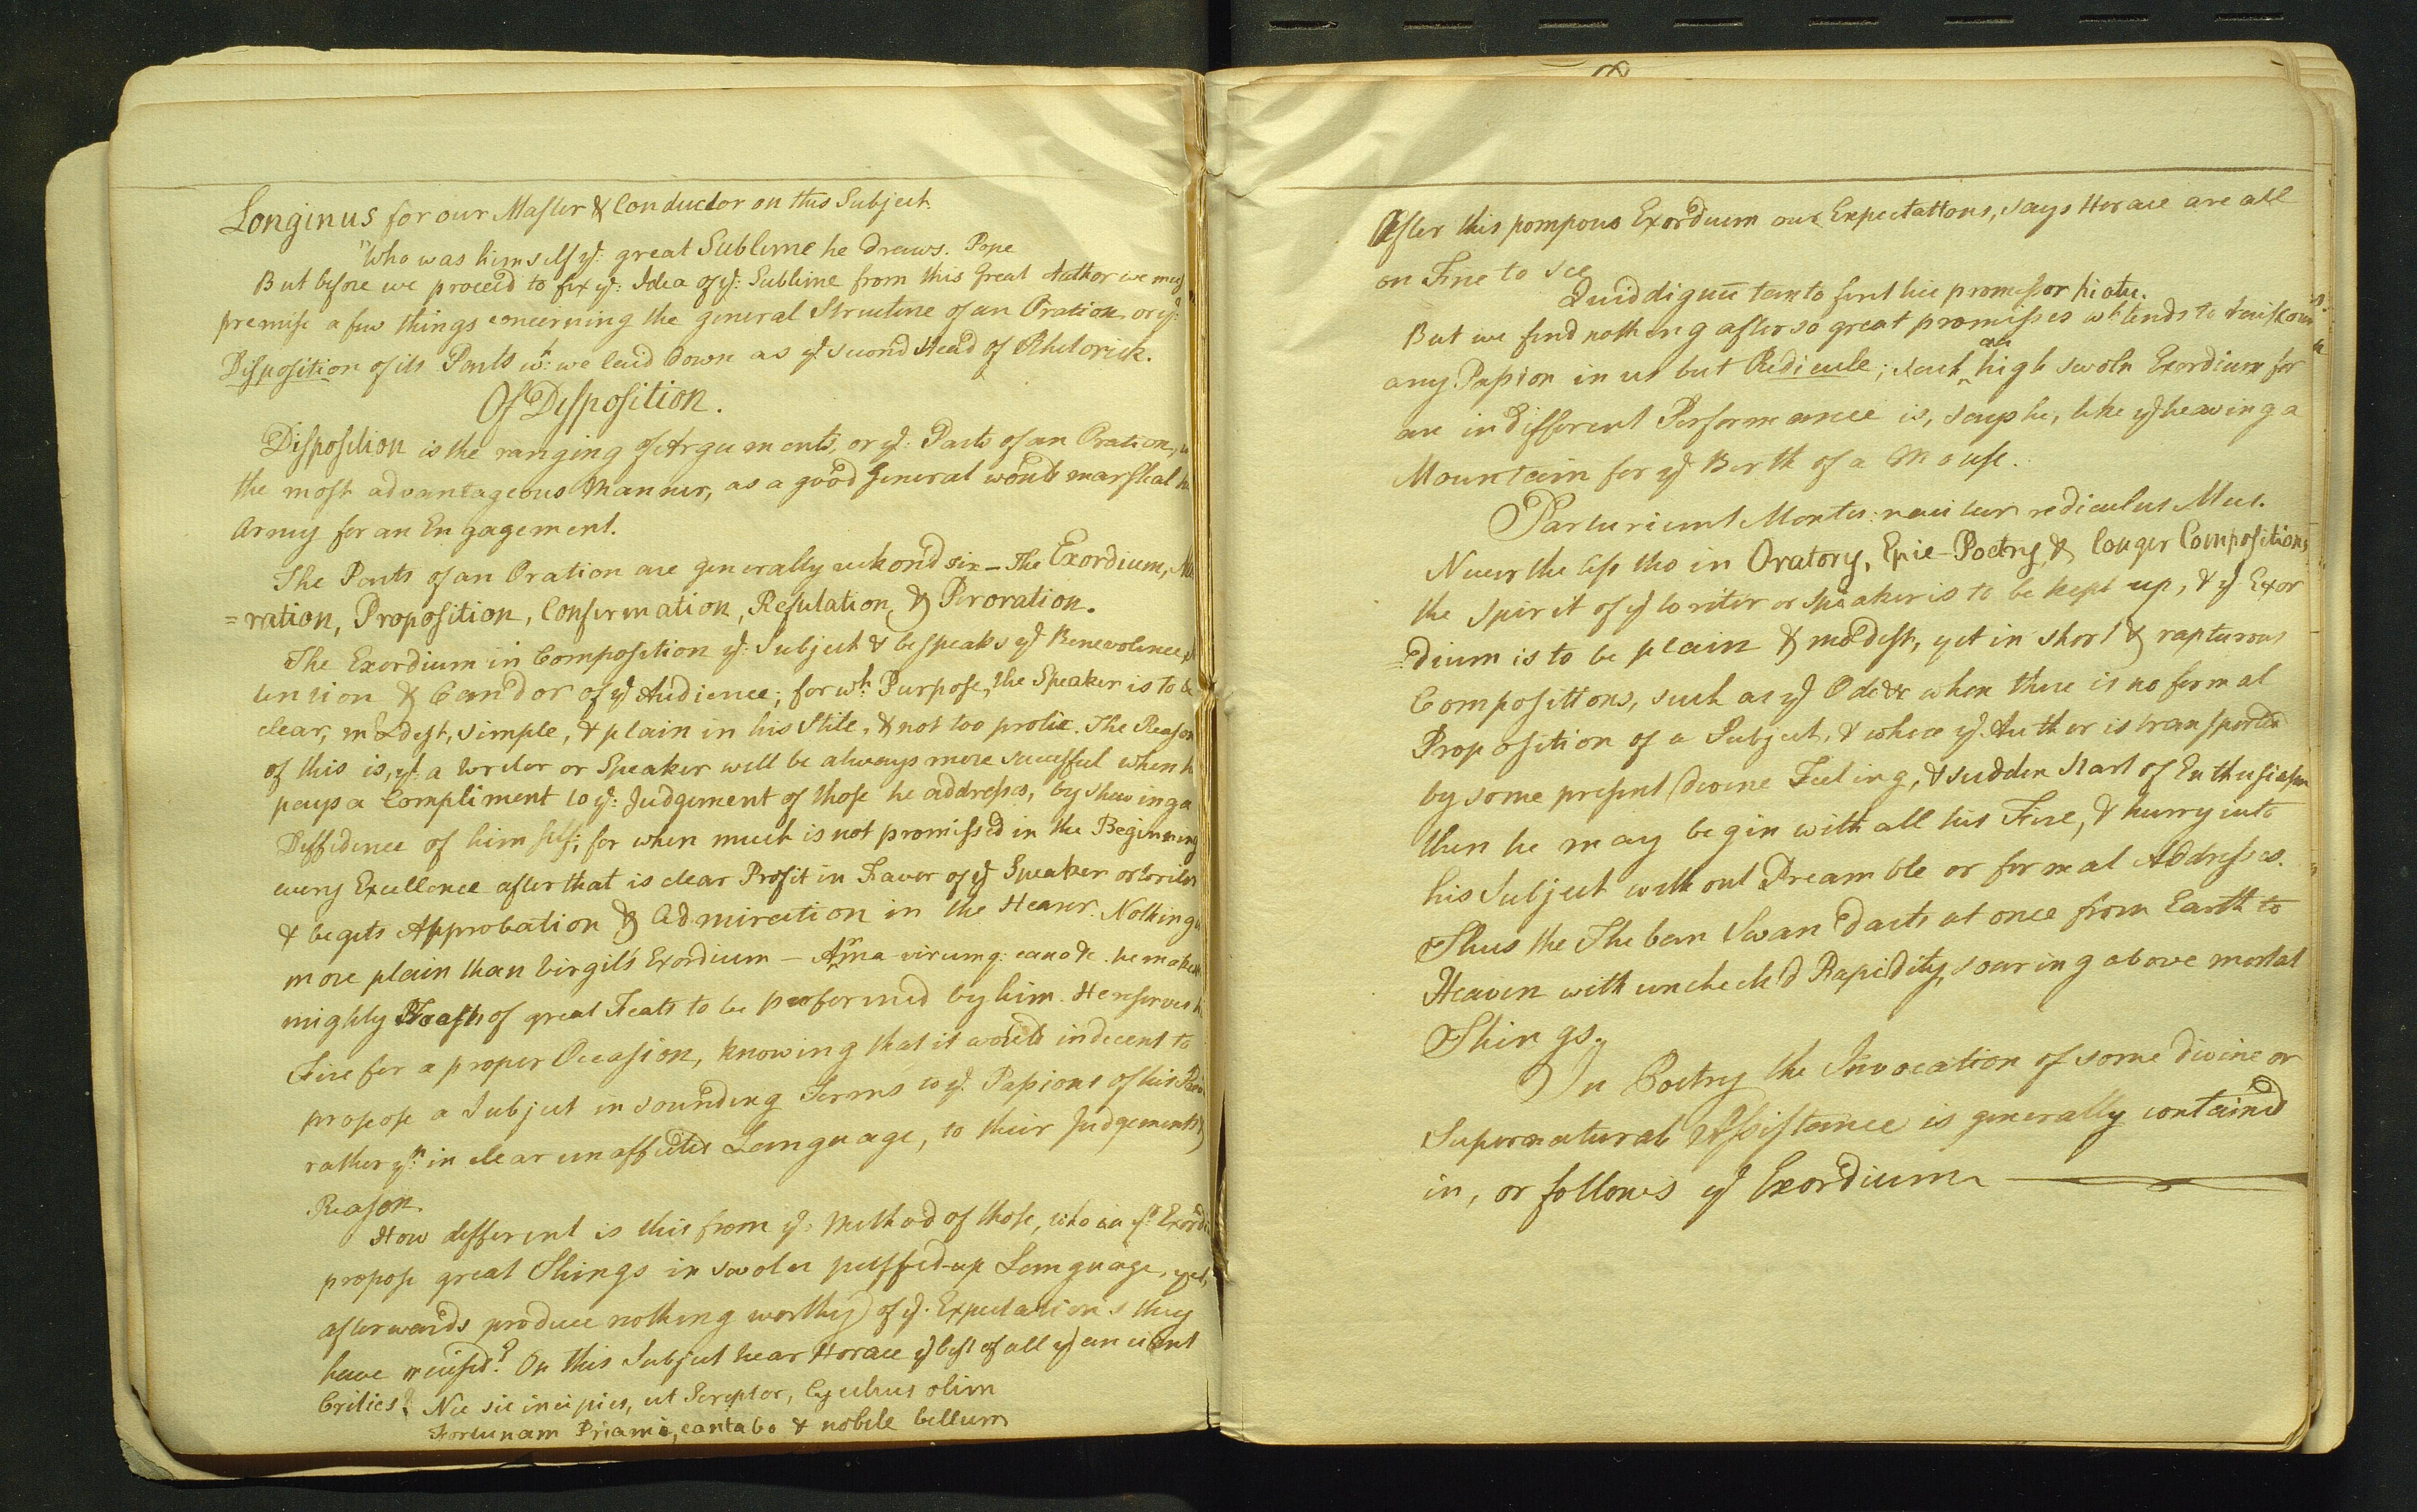Longinus for our Master & Conductor on this Subject.
"Who was himself y^e: great Sublime He draws. Pope
But before we proceed to fix y^e: Idea of y^e: Sublime from this Great Author we must
premise a few things concerning the general structure of an Oration or y^e
Disposition of its Points w^h we laid down as y^e second Head of Rhetorick.
Of Disposition.
Disposition is the ranging of Arguments, or y^e: Parts of an Oration, in
the most advantageous Manner, as a good General would Marshal his
Army for an Engagement.
The Parts of an Oration are generally reckon'd six- The Exordium, Na
-ration, Proposition, Confirmation, Refutation & Peroration.
The Exordium in Composition y^e Subject & bespeaks y^e Benevolence, In
tention & Candor of y^e Audience; for w^h Purpose, the Speaker is to be
clear, modest, simple, & plain in his Stile, & not too prolix. The Reason
of this is, y^t: a writer or Speaker will be always more successful when he
pays a Compliment to y^e: Judgement of those he addresses, by shewing a
Diffidence of himself; for when much is not promised in the Beginning
every Excellence after that is clear Profit in Favor of y^e Speaker or Writer
& begets Approbation & Admiration in the Hearer. Nothing
move plain than Virgil's Exordium- A^rma virumq: cano &c he makes
mighty Boasts of great Feats to be performed by him. He reserves his
Fire for a proper Occasion, knowing that it would indecent to
propose a Subject in sounding Terms to y^e Passions of his P[___]
rather y^n: in clear unaffected Language, to their Judgement &
Reason.
How different is this from y^e Method of those, who in y^e Exordi
propose great Things in swolen puffed-up Language, yet
afterwards produce nothing worthy of y^e Expectations they
have raised? On this Subject hear Horace y^e best of all y^e ancient
Critics. Nec sic incipies, ut Scriptor, cyclicus olim
Fortunam Priami, cantabo & nobile bellum
After this pompous Exordium our Expectations, says Horace are all
on Fire to Ice.
Quid dignu tanto feret hic promissor hiatu.
But we find nothing after so great promises w^h tends to transcen
any Passion in us but Ridicule; such ^an high sworn Exordium for
an indifferent Performance is, says he, like y^e heaving a
Mountain for y^e Birth of a Mouse.
Parturient Montes nascitur ridiculus Mus.
Never the less tho in Oratory, Epic-Poetry & longer Compositions
the Spirit of y^e Writer or Speaker is to be kept up, & y^e Exor
-dium is to be plain & modest, yet in short & rapturous
Compositions, such as y^e Ode &c when there is no formal
Proposition of a Subject, & where y^e Author is transported
by some present divine Feeling, & sudden Start of Enthusiasm
then he may begin with all his Fire, & hurry into
his Subject without Preamble or formal Addresses.
Thus the Theban Swan darts at once from Earth to
Heaven with uncheck'd Rapidity soaring above mortal
Things.
In Poetry the Invocation of some divine or
Supernatural Assistance is generally contain'd
in, or follows y^e Exordium-